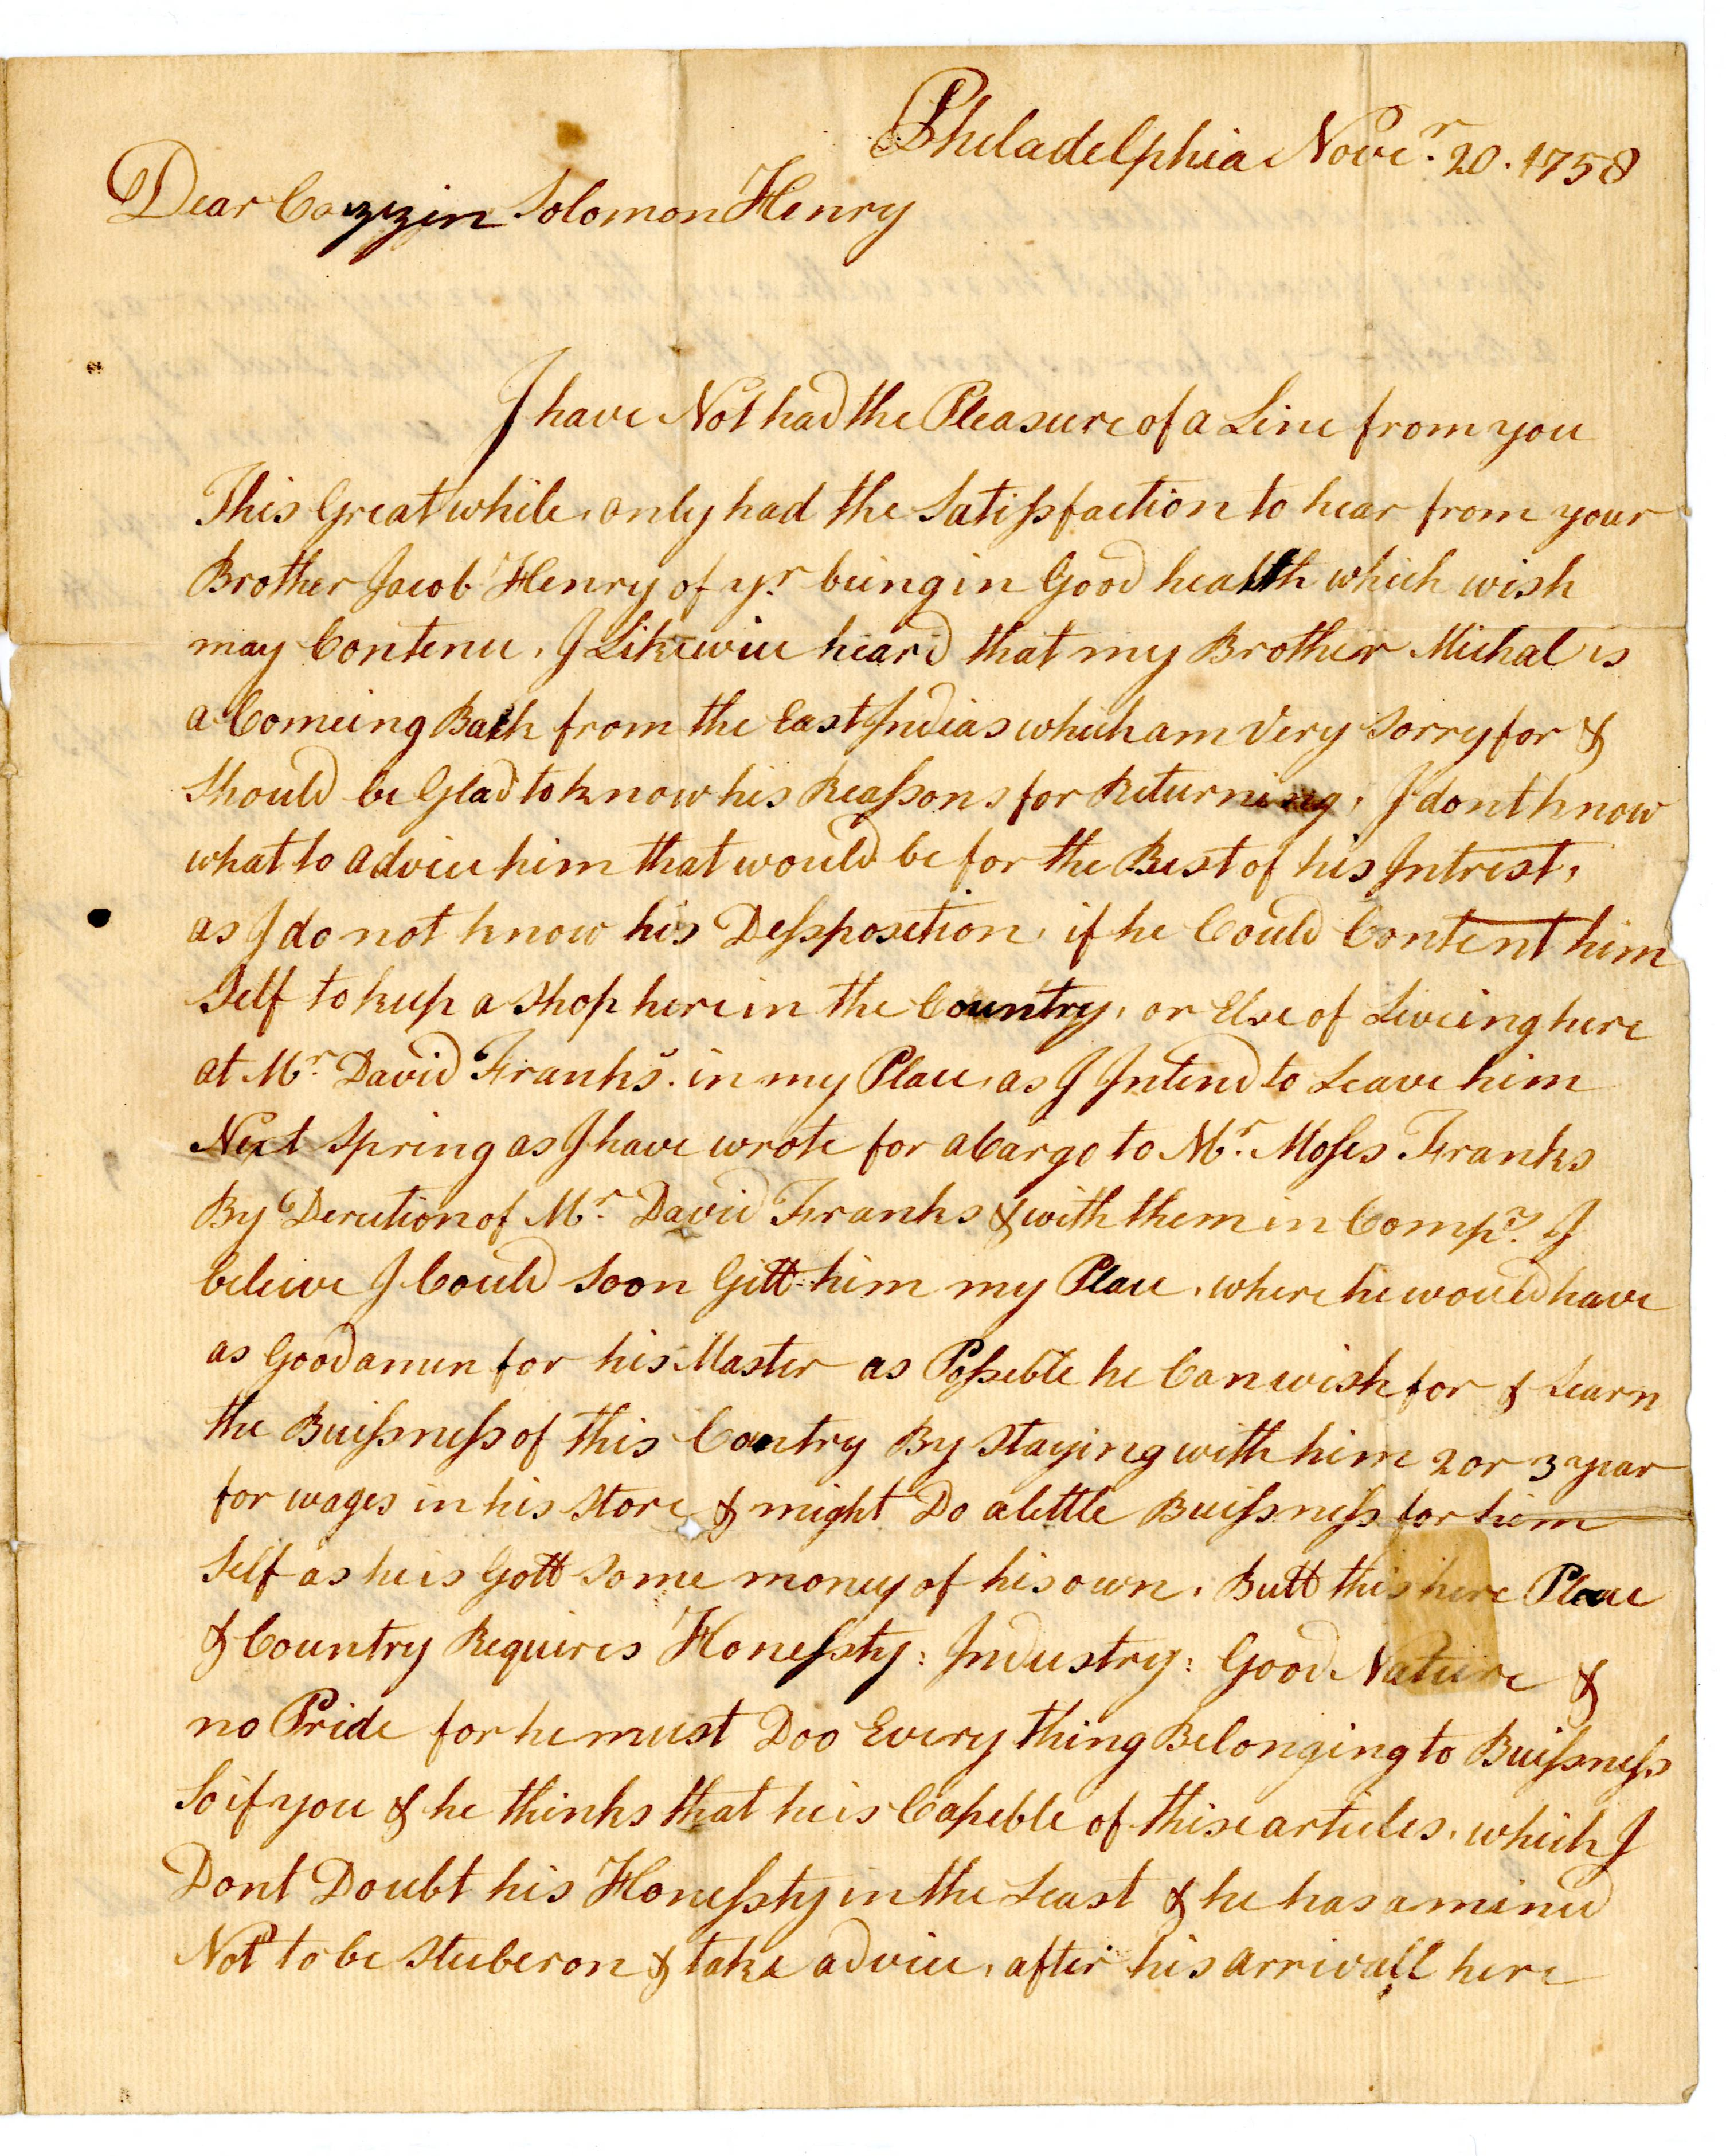Philadelphia Nove^r 20 1758
Dear Cazzin Solomon Henry
I have Not had the Pleasure of a Line from you
This Great while only had the Satisfaction to hear from your
Brother Jacob Henry of y^r. being in Good health which wish
may Continue I Likewise heard that my Brother Michal is
a Comeing Back from the East Indias which am very sorry for &
should be Glad to know his Reasons for Returning, I dont know
what to advice him that would be for the Rest of his Intrest.
as I do not know his Dessposition if he Could Content him
self to keep a shop here in the Country, or Else of Living here
at M^r. David Franks in my Place as I Intend to Leave him
Next spring as I have wrote for a Cargo to M^r. Moses Franks
By Direction of M^r. David Franks & with them in Comp^y. if
believe I Could Soon Gitt him my place where he would have
as Good a man for his Master as Possible he Can wish for & Learn
the Buisiness of this Country By staying with him 2 or 3 year
for wages in his store & might Do a little Buisiness for him
Self as he is Gott some money of his own. Butt this here Place
& Country Requires Honesty: Industry: Good Nature &
no Pride for he must Doo every thing Belonging to Buisness
So if you & he thinks that he is Capible of these articles which I
Dont Doubt his Honessty in the Least & he has a mind
Not to be stuberon & take advice, after his arrivall here